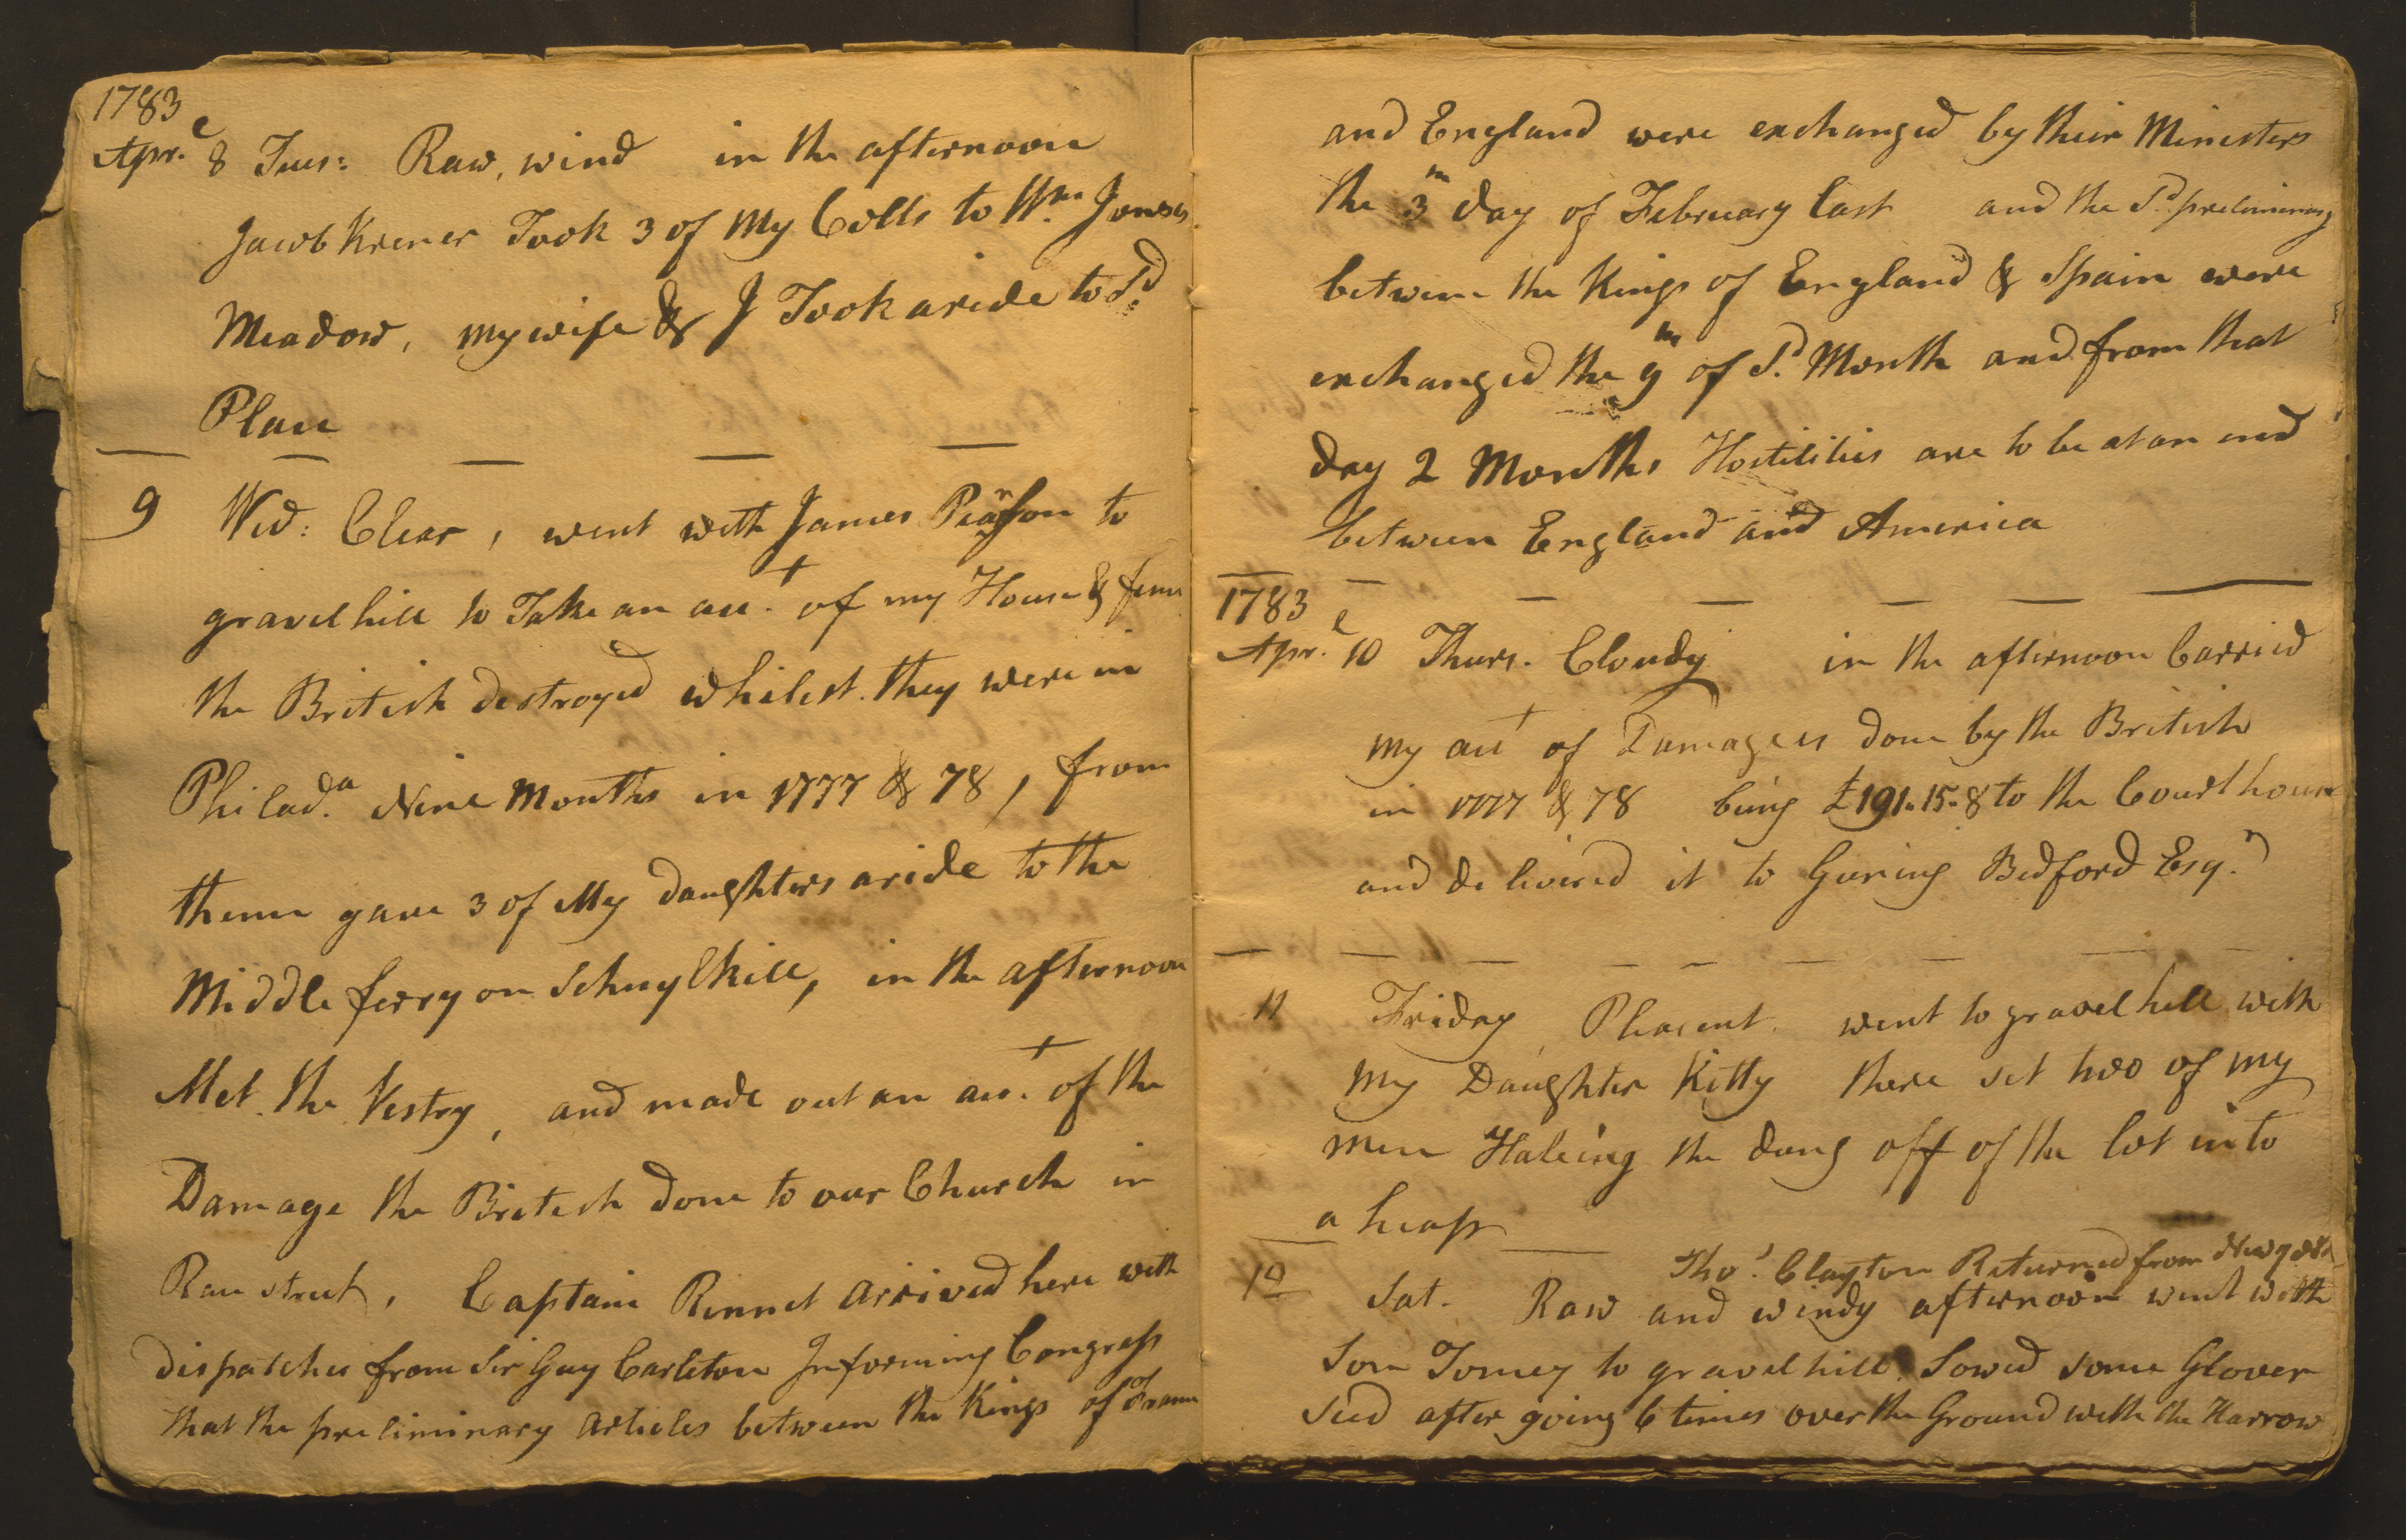1783
Apr^l. 8 Tues: Raw, wind in the afternoon
Jacob Krener Took 3 of My Cows to W^m. Jonses
Meadow, my wife & I Took a ride to s^d.
Place
9 Wed. Clear, went with James Pea^rson to
gravel hill to Take an acc^t. of my House & fence
the British destroyed whilest they were in
Philad^a. Nine Months in 1777 & 78, from
thence gave 3 of My daughters a ride to the
Middle ferry on Schuylkill, in the afternoon
Met the Vestry and made out an acc^t. of the
Damage the British done to our Church in
Race street, Captain Rinnet arrived here with
dispatches from Sir Guy Carleton Informing Congress
that the preliminary articles between the King of France
and England were exchanged by their Ministers
The 3^th day of February last and the s^d. preliminary
between the Kings of England & spain were
exchanged the 9^th of S^d. Month and from that
day 2 Months Hostilities are to be at an and
between England and America
1783
Apr^l. 10 Thurs. Cloudy in the afternoon Carried
my acc^t of Damages done by the British
in 1777 & 78 being £191.15.8 to the Courthouse
and delivered it to Guring Bedford Esq^r.
11 Friday Pleasent. went to gravel hill with
my Daughter Kitty there set two of my
men Haleing the dung off of the lot in to
a heap
Tho^s. Clayton Returned from New york
12 Sat. Raw and windy afternoon went with
Son Tomey to gravel hill. sowed some Glover
seed after going 6 times over the Ground with the Harrow